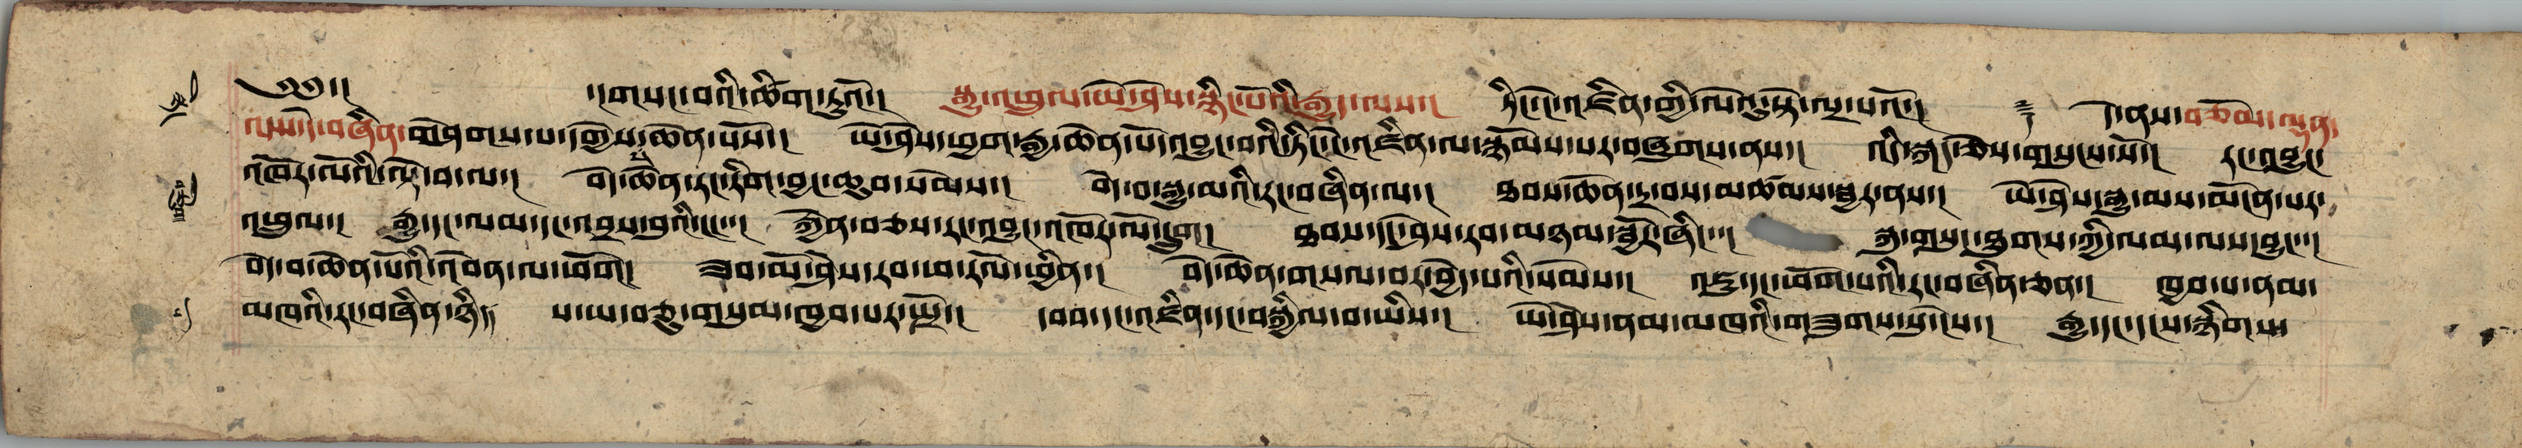༄༅་། ་།གསང་བའི་ཚིག་ཏུའོ་། སྒྱུ་འཕྲུལ་ཡེ་ཤེསསྙིང་པོའི་རྒྱུད་ལས་། ཏིང་ངེ་འཛིན་གྱི་ལེའུ་སྟེ་ལྔ་པའོ་། ࿑ དེ་ནས་བཅོམ་ལྡན་
ལས་དེ་བཞིན་གཤེགས་པ་དགྱེས་པ་ཆེན་པོས་། ཡེ་ཤེས་ཕྱག་རྒྱ་ཆེན་པོ་འབྱུང་བའི་ཏིང་ངེ་འཛིན་ལ་སྙོམས་པར་བཞུགས་ནས་། འདི་སྐད་ཅེས་གསུངས་སོ་། རང་འབྱུང་
འཁོར་ལོའི་ལྟེ་བ་ལ་། བདེ་ཆེན་རང་རིག་བྱང་ཆུབ་སེམས་། བདེ་བ་སྒྱུ་མའི་རང་བཞིན་ལ་། ཐབས་ཆེན་དྲ་བས་མཚམས་སྦྱར་ནས་། ཡེ་ཤེས་སྒྱུ་མས་མངོན་པར་
འཕྲུལ་། རྒྱུ་དང་ལམ་དང་འབྲས་བུའི་ངང་་། རྐྱེན་བཅས་རང་འབྱུང་འཁོར་ལོ་དྲུག། ཐབས་དང་ཤེས་རབ་མཉམ་སྦྱོར་ཞིང་་། སྐུ་གསུང་ཐུགས་ཀྱི་ལམ་ལས་བྱུང་་།
བདེ་བ་ཆེན་པོའི་འབེན་ལ་ཕོག། ཟབ་མོ་ཤེས་རབ་ཕ་རོལ་ཕྱིན་། བདེ་ཆེན་གསལ་བར་བྱེད་པའི་སེམས་། འཇུ་དང་ཕོག་པའི་རང་བཞིན་ཅན་། ཁྱབ་པ་ནམ་
མཁའི་རང་བཞིན་ཉིད་། ས་ཡ་བཅུ་གསུམ་ཁྱབ་པར་སྤྲོ་། དབབ་དང་འཛིན་དང་བསྐྱིལ་བ་ཡིས་། ཡེ་ཤེས་ནམ་མཁའི་གཟུགས་སུ་ངེས་། རྒྱུ་དང་དངས་སྙིགས་